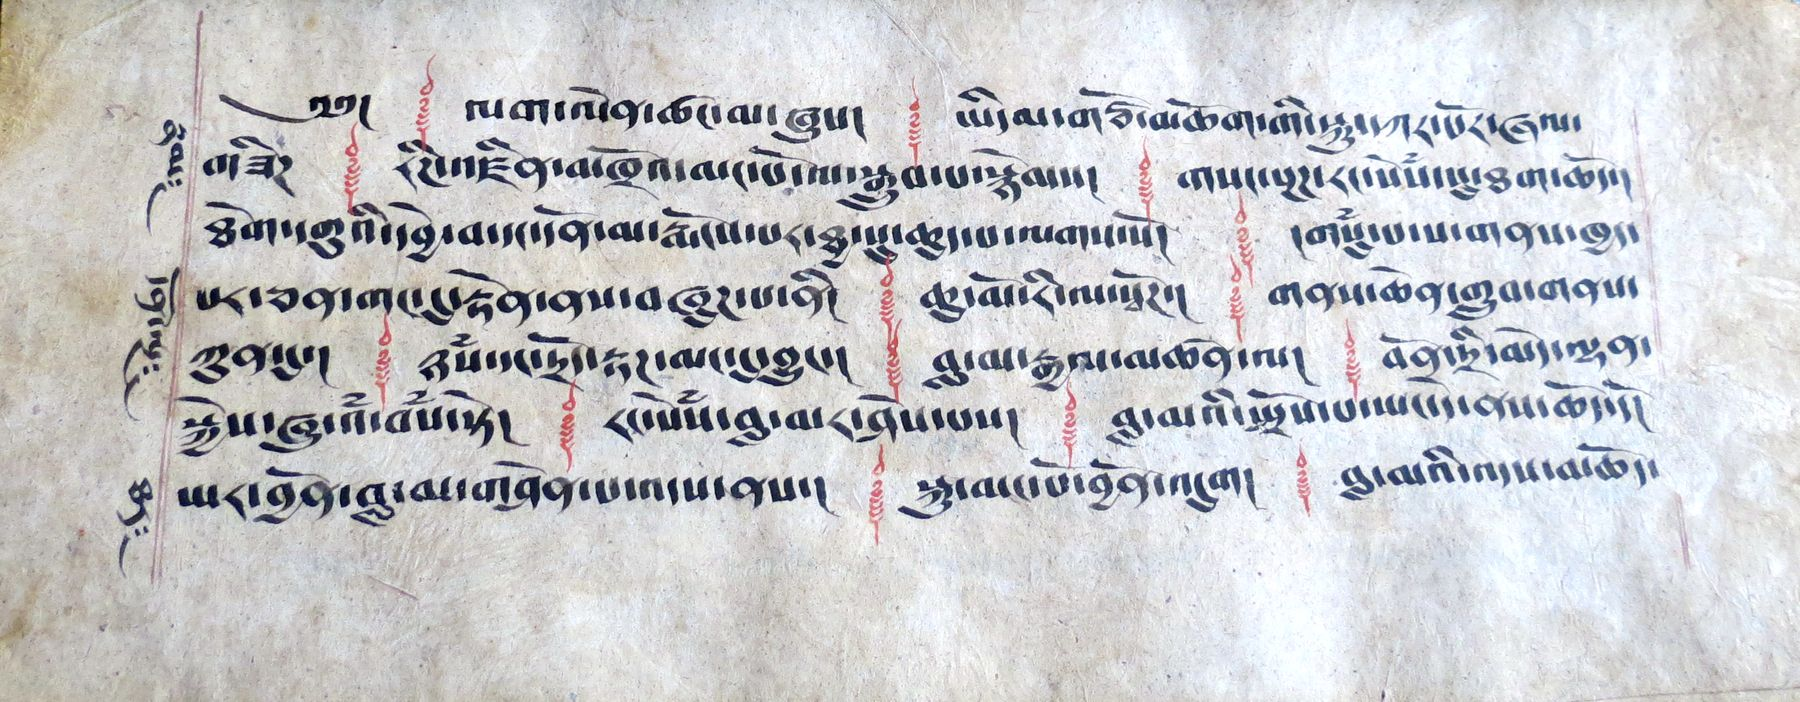ལག་ལེན་ཚང་པར་ཞུས། ཡི་དམ་གཙོ་མཆོག་གི་སྐུ་དཀར་པོར་ཞལ་
གཟིགས། རིག་འཛིན་མཁའ་འགྲོ་མང་པོ་ལ་གྲུབ་པ་བསྙེམས། གསང་སྔགས་རང་སེམས་སུ་ཐག་ཆོད། 
ཐེག་དགུའི་དབྱེ་བ་དང་དོན་མ་རྨོངས་པར་ཐུགས་སུ་ཆུད་པ་ལགས་སོ། ། གསུམ་པ་ས་གནས་ཁྱད་
པར་ཅན་གང་དུ་བརྟེན་པའི་ཚེ་དུ་བཞུགས་པ་ནི། ཆུ་མོ་རི་ལས་སོགས་གནས་ཆེན་གྲུབ་གནས་
ཀུན་ཏུ། ཉམས་དང་དྲོད་རྟགས་མང་དུ་བྱུང་། བླ་མ་རྒྱལ་མཚན་ལ། བོན་དྲི་མེད་ལྷན་
སྐྱེས་ཞུ་འམ་བསམ་སྟེ། རང་སེམས་བླ་མར་ཤེས་པས། བླ་མའི་སྤྲོས་པ་ཡང་དེ་ནས་ཆོད་དོ། ། 
ཡར་བྱོན་བླ་མ་གཤེན་འདས་ནས། སྐུ་མང་པོ་བྱོན་འདུག བླ་མའི་འདས་མཆོད་